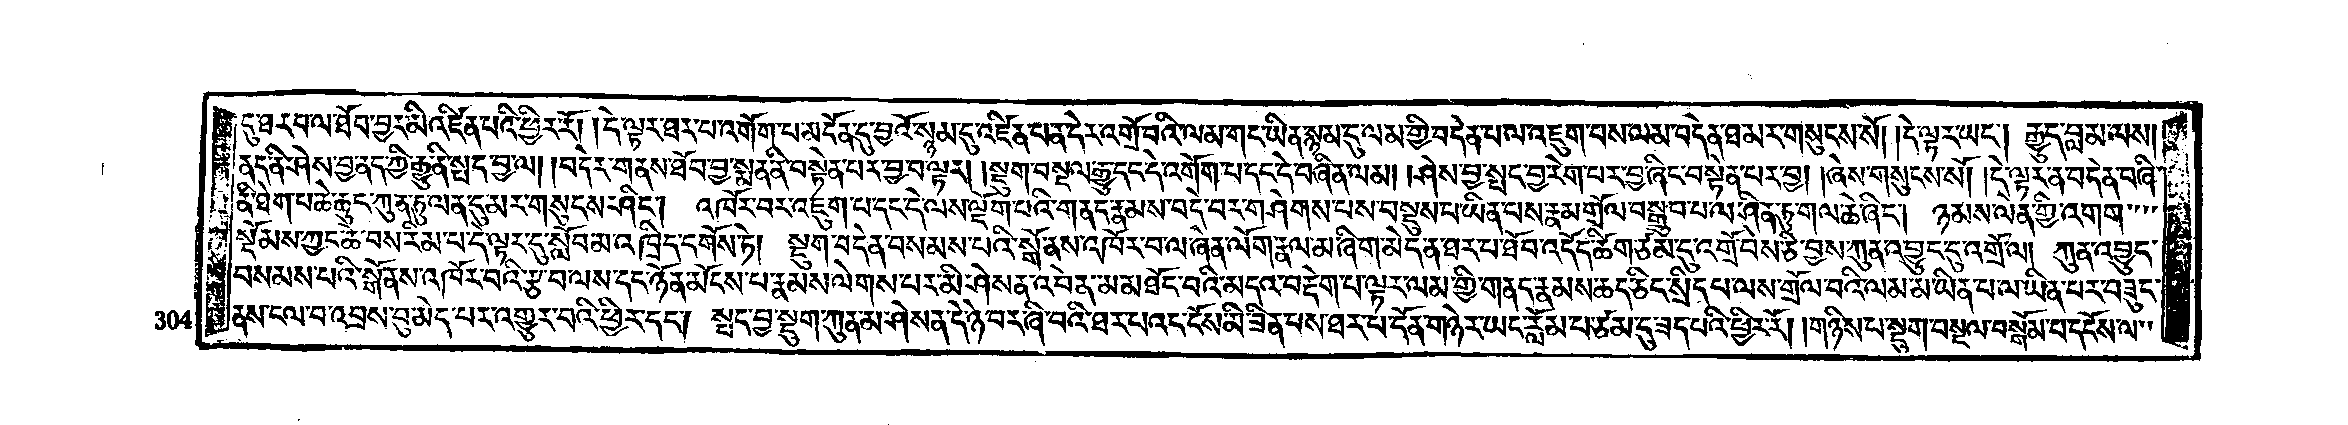དུ་ཐར་པ་ལ་ཐེབ་བྱར་མི་འཛིན་པའི་ཕྱིར་རོ། །དེ་ལྟར་ཐར་པ་འགོག་པ་མངོན་དུ་བྱའོ་སྙམ་དུ་འཛིན་པ་ན་དེར་འགྲོ་བའི་ལམ་གང་ཡིན་སྙམ་དུ་ལམ་གྱི་བདེན་པ་ལ་འཇུག་པས་ལམ་བདེན་ཐ་མར་གསུངས་སོ། །དེ་ལྟར་ཡང་། རྒྱུད་བླ་མ་ལས།
ནད་ནི་ཤེས་བྱ་ནད་ཀྱི་རྒྱུ་ནི་སྤང་བྱ་ལ། །བདེར་གནས་ཐོབ་བྱ་སྨན་ནི་བསྟེན་པར་བྱ་བ་ལྟར། །སྡུག་བསྔལ་རྒྱུ་དང་དེ་འགོག་པ་དང་དེ་བཞིན་ལམ། །ཤེས་བྱ་སྤང་བྱ་རེག་པར་བྱ་ཞིང་བསྟེན་པར་བྱ། །ཞེས་གསུངས་སོ། །དེ་ལྟར་ན་བདེན་བཞི་
ནི་ཐེག་པ་ཆེ་ཆུང་ཀུན་ཏུ་ལན་དུ་མར་གསུངས་ཤིང་། འཁོར་བར་འཇུག་པ་དང་དེ་ལས་ལྡོག་པའི་གནད་རྣམས་བདེ་བར་གཤེགས་པས་བསྡུས་པ་ཡིན་པས་རྣམ་གྲོལ་བསྒྲུབ་པ་ལ་ཤིན་ཏུ་གལ་ཆེ་ཞིང་། ཉམས་ལེན་གྱི་འགག་
སྡོམས་ཀྱང་ཆེ་བས་རིམ་པ་དེ་ལྟར་དུ་སློབ་མ་འཁྲིད་དགོས་ཏེ། སྡུག་བདེན་བསམས་པའི་སྒོ་ནས་འཁོར་བ་ལ་ཞེན་ལོག་རྣལ་མ་ཞིག་མེད་ན་ཐར་པ་ཐོབ་འདོད་ཚིག་ཙམ་དུ་འགྲོ་བས་ཅི་བྱས་ཀུན་འབྱུང་དུ་འགྲོ་ལ། ཀུན་འབྱུང་
བསམས་པའི་སྒོ་ནས་འཁོར་བའི་རྩ་བ་ལས་དང་ཉོན་མོངས་པ་རྣམས་ལེགས་པར་མི་ཤེས་ན་འབེམ་མ་མཐོང་བའི་མདའ་བརྡེག་པ་ལྟར་ལམ་གྱི་གནད་རྣམས་ཆད་ཅིང་སྲིད་པ་ལས་གྲོལ་བའི་ལམ་མ་ཡིན་པ་ལ་ཡིན་པར་བཟུང་
ནས་ངལ་བ་འབྲས་བུ་མེད་པར་འགྱུར་བའི་ཕྱིར་དང་། སྤང་བྱ་སྡུག་ཀུན་མ་ཤེས་ན་དེ་ཉེ་བར་ཞི་བའི་ཐར་པའང་ངོས་མི་ཟིན་པས་ཐར་པ་དོན་གཉེར་ཡང་རློམ་པ་ཙམ་དུ་ཟད་པའི་ཕྱིར་རོ། །གཉིས་པ་སྡུག་བསྔལ་བསྒོམ་པ་དངོས་ལ་